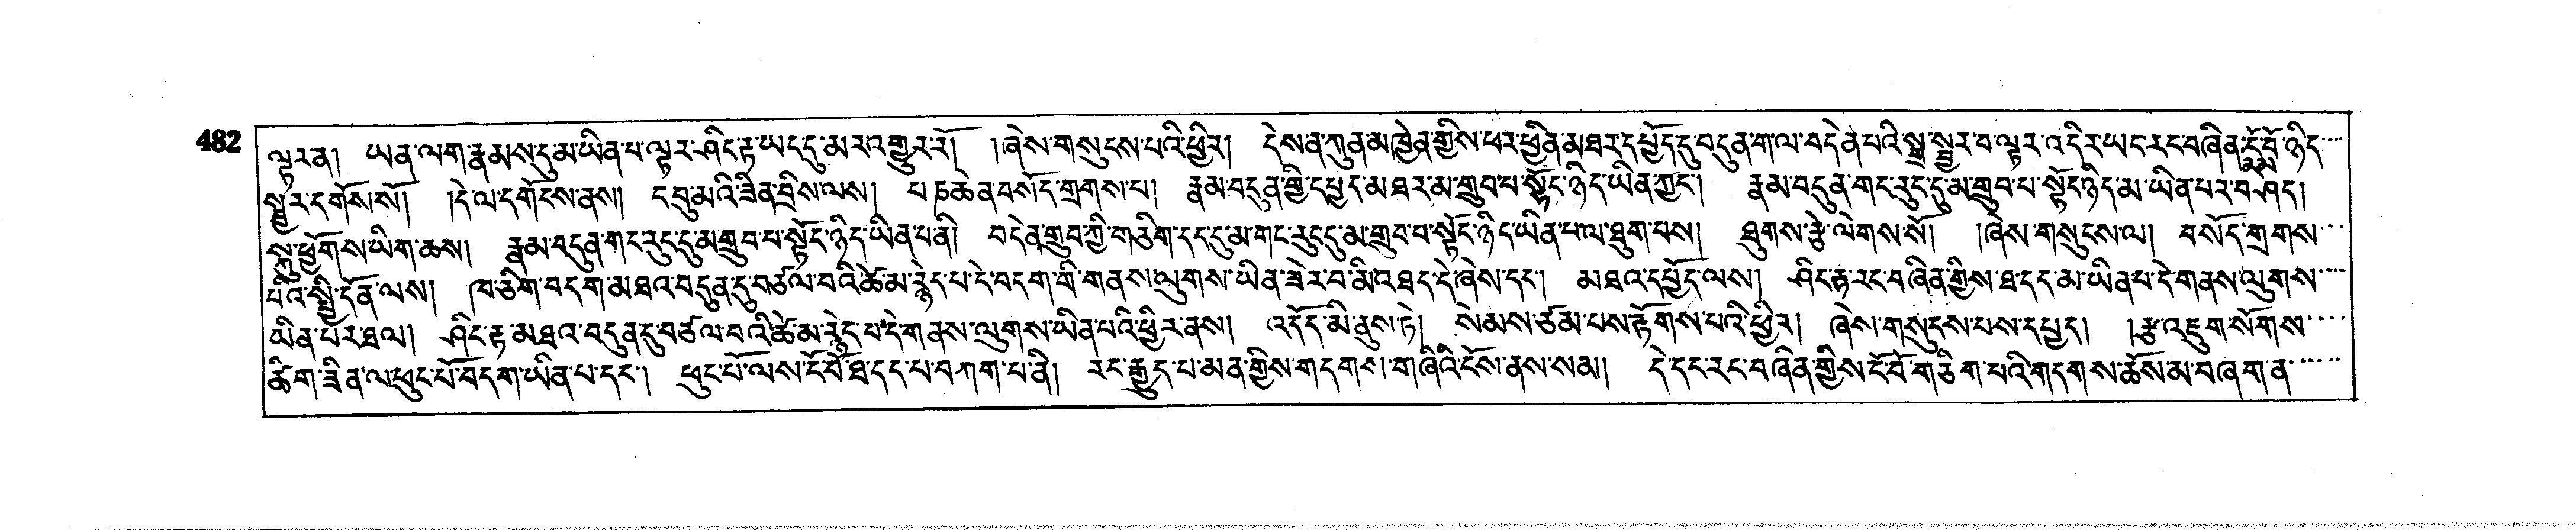ལྟར་ན། ཡན་ལག་རྣམས་དུ་མ་ཡིན་པ་ལྟར་ཤིང་རྟ་ཡང་དུ་མར་འགྱུར་རོ། །ཞེས་གསུངས་པའི་ཕྱིར། དེས་ན་ཀུན་མཁྱེན་གྱིས་ཕར་ཕྱིན་མཐར་དཔྱོད་དུ་བདུན་ག་ལ་བདེན་པའི་སྒྲ་སྦྱར་བ་ལྟར་འདིར་ཡང་རང་བཞིན་ནམ་ངོ་བོ་ཉིད་
སྦྱར་དགོས་སོ། །དེ་ལ་དགོངས་ནས། དབུ་མའི་ཟིན་བྲིས་ལས། པཎ་ཆེན་བསོད་གྲགས་པ། རྣམ་བདུན་གྱི་དཔྱད་མཐར་མ་གྲུབ་པ་སྟོང་ཉིད་ཡིན་ཀྱང་། རྣམ་བདུན་གང་རུང་དུ་མ་གྲུབ་པ་སྟོང་ཉིད་མ་ཡིན་པར་བཤད།
སྐུ་ཕྱོགས་ཡིག་ཆས། རྣམ་བདུན་གང་རུང་དུ་མ་གྲུབ་པ་སྟོང་ཉིད་ཡིན་པ་ནི། བདེན་གྲུབ་ཀྱི་གཅིག་དང་དུ་མ་གང་རུང་དུ་མ་གྲུབ་པ་སྟོང་ཉིད་ཡིན་པ་ལ་ཐུག་པས། ཐུགས་རྩེ་ལེགས་སོ། །ཞེས་གསུངས་ལ། བསོད་གྲགས་
པའི་སྤྱི་དོན་ལས། ཁ་ཅིག་བདག་མཐའ་བདུན་དུ་བཙལ་བའི་ཚེ་མ་རྙེད་པ་དེ་བདག་གི་གནས་ལུགས་ཡིན་ཟེར་བ་མི་འཐད་དེ་ཞེས་དང་། མཐའ་དཔྱོད་ལས། ཤིང་རྟ་རང་བཞིན་གྱིས་ཐ་དད་མ་ཡིན་པ་དེ་གནས་ལུགས་
ཡིན་པར་ཐལ། ཤིང་རྟ་མཐའ་བདུན་དུ་བཙལ་བའི་ཚེ་མ་རྙེད་པ་དེ་གནས་ལུགས་ཡིན་པའི་ཕྱིར་ནས། འདོད་མི་ནུས་ཏེ། སེམས་ཙམ་པས་རྟོགས་པའི་ཕྱིར། ཞེས་གསུངས་པས་དཔྱད། །རྩ་འཇུག་སོགས་
ཚིག་ཟིན་ལ་ཕུང་པོ་བདག་ཡིན་པ་དང་། ཕུང་པོ་ལས་ངོ་བོ་ཐ་དད་པ་བཀག་པ་ནི། རང་རྒྱུད་པ་མན་གྱིས་གདགས་གཞིའི་ངོས་ནས་སམ། དེ་དང་རང་བཞིན་གྱིས་ངོ་བོ་གཅིག་པའི་གདགས་ཆོས་མ་བཞག་ན་